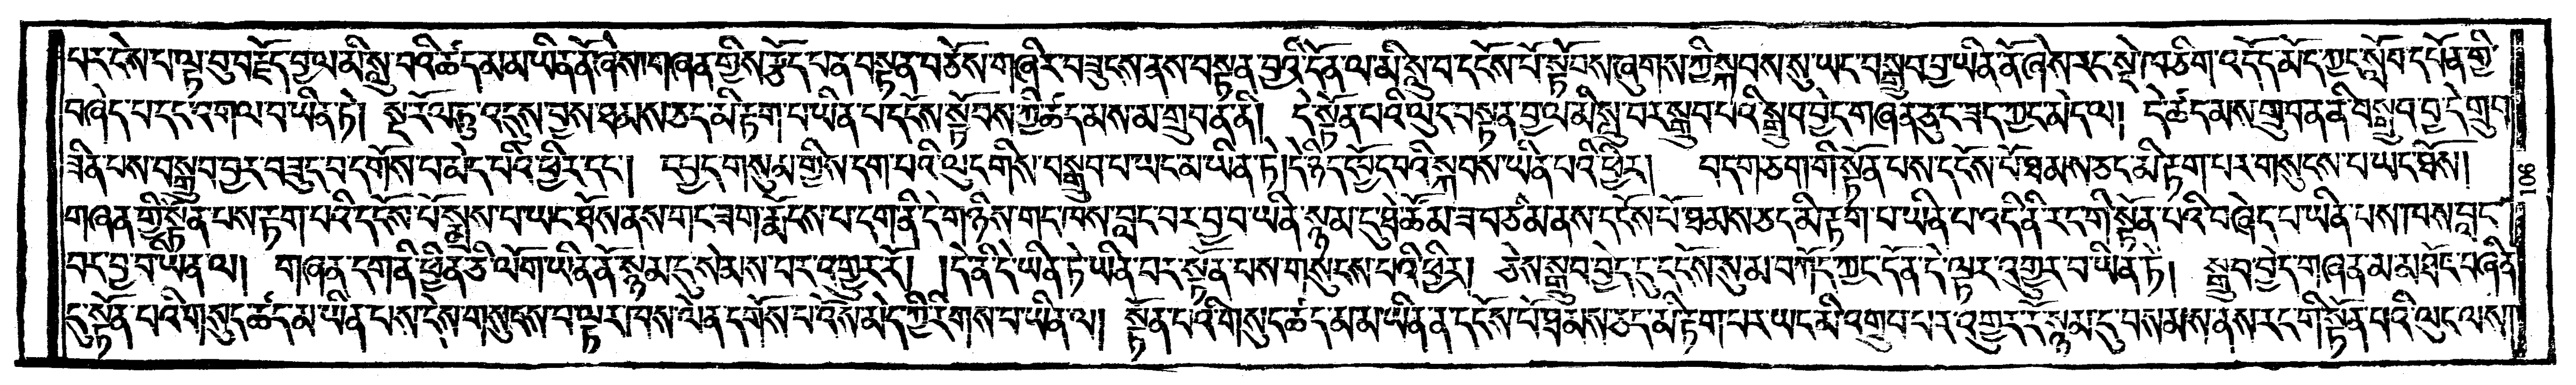པར་ངེས་པ་ལྟ་བུ་བརྗོད་བྱ་ལ་མི་སླུ་བའི་ཚད་མ་ཡིན་ནོ་ཞེས་གཞན་གྱིས་རྩོད་པ་ན་བསྟན་བཅོས་གཞིར་བཟུངས་ནས་བསྟན་བྱའི་དོན་ལ་མི་སླུ་བ་དངོས་པོ་སྟོབས་ཞུགས་ཀྱི་སྐབས་སུ་ཡང་བསྒྲུབ་བྱ་ཡིན་ནོ་ཞེས་རང་སྡེ་ཁ་ཅིག་འདོད་མོད་ཀྱང་སློབ་དཔོན་གྱི་
བཞེད་པ་དང་འགལ་བ་ཡིན་ཏེ། སྔ་རོལ་ཏུ་འདུས་བྱས་ཐམས་ཅད་མི་རྟག་པ་ཡིན་པ་དངོས་སྟོབས་ཀྱི་ཚད་མས་མ་གྲུབ་ན་ནི། དེ་སྟོན་པའི་ལུང་བསྟན་བྱ་ལ་མི་སླུ་བར་སྒྲུབ་པའི་སྒྲུབ་བྱེད་གཞན་ཅུང་ཟད་ཀྱང་མེད་ལ། དེ་ཚད་མས་གྲུབ་ན་ནི་བསྒྲུབ་བྱ་དེ་གྲུབ་
ཟིན་པས་བསྒྲུབ་བྱར་བཟུང་བ་དགོས་པ་མེད་པའི་ཕྱིར་དང་། དཔྱད་གསུམ་གྱིས་དག་པའི་ལུང་གིས་བསྒྲུབ་པ་ཡང་མ་ཡིན་ཏེ། དེ་ཉིད་དཔྱོད་པའི་སྐབས་ཡིན་པའི་ཕྱིར། བདག་ཅག་གི་སྟོན་པས་དངོས་པོ་ཐམས་ཅད་མི་རྟག་པར་གསུངས་པ་ཡང་ཐོས།
གཞན་གྱི་སྟོན་པས་རྟག་པའི་དངོས་པོ་སྨྲས་པ་ཡང་ཐོས་ནས་གང་ཟག་རྨོངས་པ་དག་ནི་དེ་གཉིས་གང་ཁས་བླང་བར་བྱ་བ་ཡིན་སྙམ་དུ་ཐེ་ཚོམ་ཟ་བ་ཙམ་ནས་དངོས་པོ་ཐམས་ཅད་མི་རྟག་པ་ཡིན་པ་འདི་ནི་རང་གི་སྟོན་པའི་བཞེད་པ་ཡིན་པས་ཁས་བླང་
བར་བྱ་བ་ཡིན་ལ། གཞན་དག་ནི་ཕྱིན་ཅི་ལོག་ཡིན་ནོ་སྙམ་དུ་སེམས་པར་འགྱུར་རོ། །དེ་ནི་དེ་ཡིན་ཏེ་ཡིན་པར་སྟོན་པས་གསུངས་པའི་ཕྱིར། ཅེས་སྒྲུབ་བྱེད་དུ་དངོས་སུམ་བཀོད་ཀྱང་དོན་དེ་ལྟར་འགྱུར་བ་ཡིན་ཏེ། སྒྲུབ་བྱེད་གཞན་མ་མཐོང་བཞིན་
དུ་སྟོན་པའི་གསུད་ཚད་མ་ཡིན་པས་དེས་གསུངས་པ་ལྟར་ཁས་ལེན་དགོས་པ་འོས་མེད་ཀྱི་རིགས་པ་ཡིན་ལ། སྟོན་པའི་གསུང་ཚད་མ་མ་ཡིན་ན་དངོས་པོ་ཐམས་ཅད་མི་རྟག་པར་ཡང་མི་འགྲུབ་པར་འགྱུར་རོ་སྙམ་དུ་བསམས་ནས་རང་གི་སྟོན་པའི་ལུང་ལས་